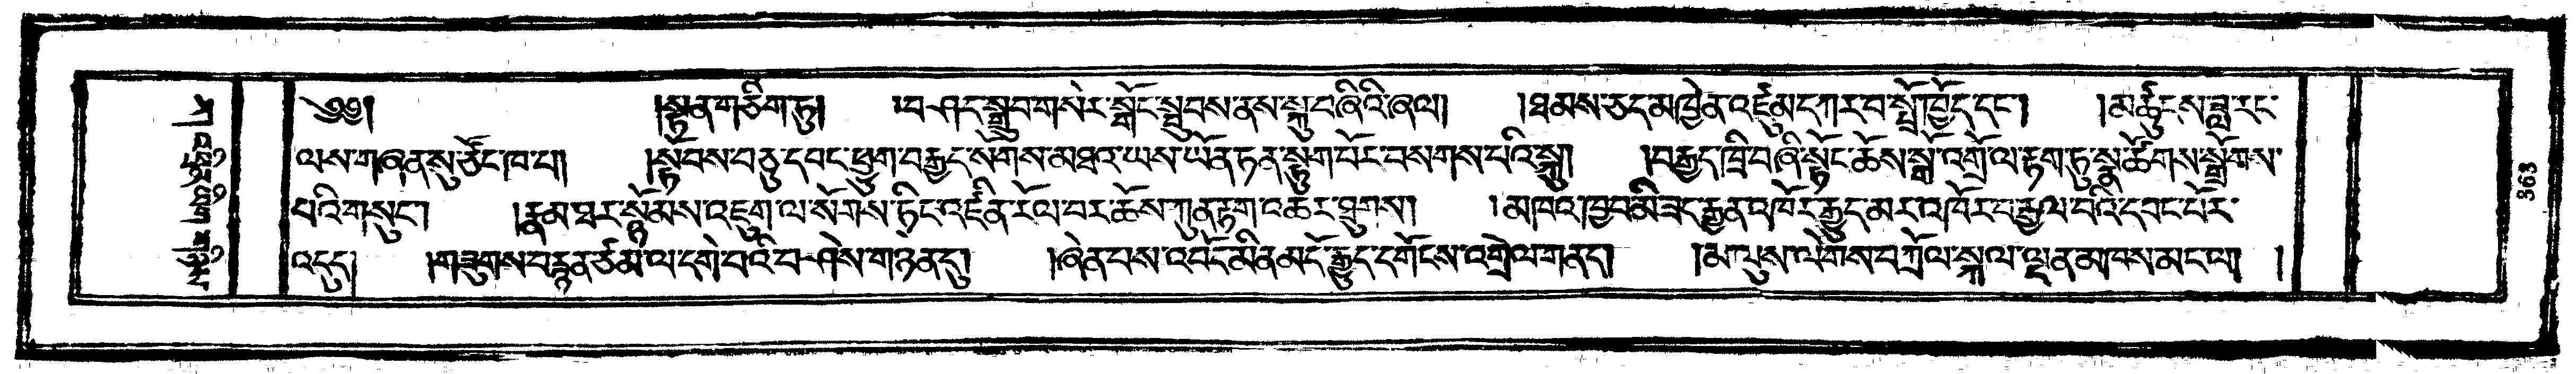༄༅། །སྟན་གཅིག་ཏུ། །བཤད་སྒྲུབ་གསེར་སྒོང་སྦུབས་ནས་སྐུ་བཞིའི་ཞལ། །ཐམས་ཅད་མཁྱེན་འཛུམ་དཀར་བ་སྤྲོ་ཁྱོད་དང་། །མཚུངས་བླ་རང་
ལས་གཞན་སུ་ཚོང་ཁ་པ། །སྟོབས་བཅུ་དབང་ཕྱུག་བརྒྱད་སོགས་མཐའ་ཡས་ཡོན་ཏན་སྟུག་བོང་བསགས་པའི་སྐུ། །བརྒྱད་ཁྲི་བཞི་སྟོང་ཆོས་སྒོ་འགྲོལ་རྟག་ཏུ་སྣ་ཚོགས་སྒྲོགས་
བའི་གསུང་། །རྣམ་ཐར་སྙོམས་འཇུག་ལ་སོགས་ཏིང་འཛིན་རོལ་བར་ཆོས་ཀུན་རྟག་འཆར་ཐུགས། །མཁའ་ཁྱབ་མི་ཟད་རྒྱན་འཁོར་རྒྱུད་མར་འཁོར་བརྒྱལ་བའི་དབང་པོར་
འདུད། །གཟུགས་བརྙན་ཙམ་ལ་དགེ་བའི་བཤེས་གཉེན་དུ། །ཞེན་པས་འབོད་མིན་མདོ་རྒྱུད་དགོངས་འགྲེལ་གནད། །མ་ལུས་ལེགས་བཀྲོལ་སྐལ་ལྡན་མཁས་མངལ། །